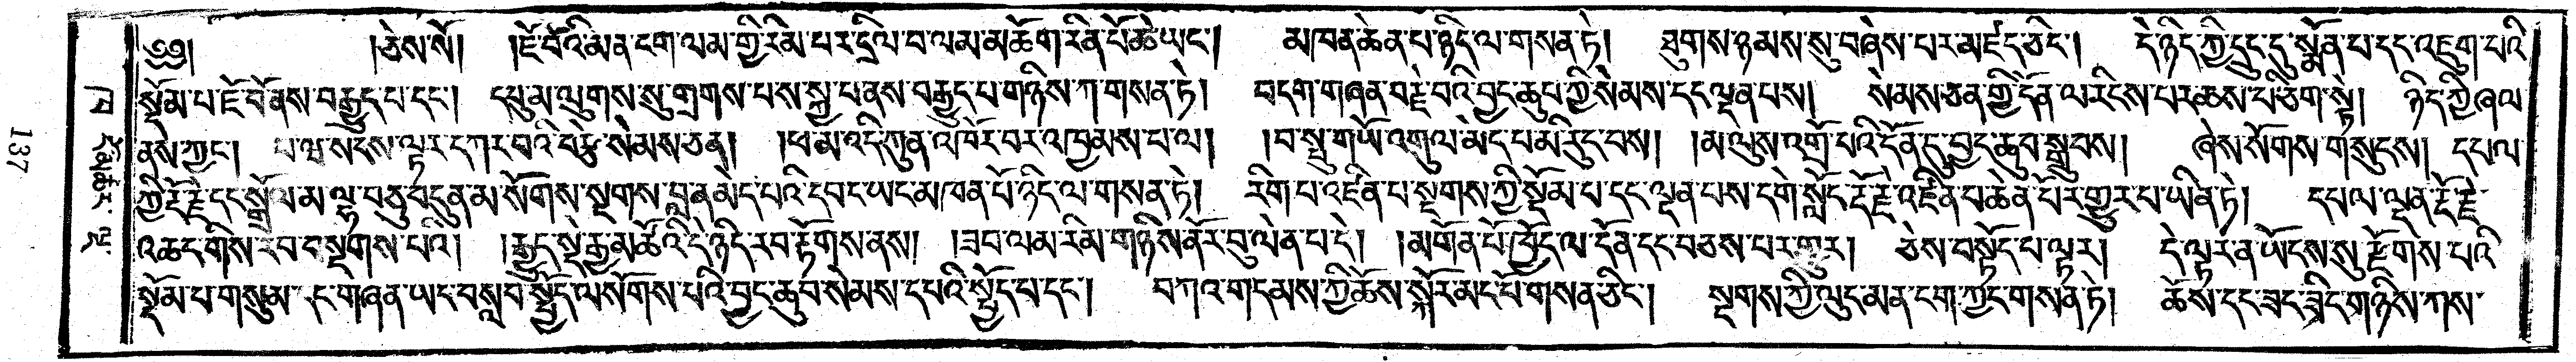༄༅། །ཅེས་སོ། །ཇོ་བོའི་མན་ངག་ལམ་གྱི་རིམ་པར་དྲིལ་བ་ལམ་མཆོག་རིན་པོ་ཆེ་ཡང་། མཁན་ཆེན་པ་ཉིད་ལ་གསན་ཏེ། ཐུགས་ཉམས་སུ་བཞེས་པར་མཛད་ཅིང་། དེ་ཉིད་ཀྱི་དྲུང་དུ་སྨོན་པ་དང་འཇུག་པའི་
སྡོམ་པ་ཇོ་བོ་ནས་བརྒྱུད་པ་དང་། དབུ་མ་ལུགས་སུ་གྲགས་པས་སྐྱ་པ་ནས་བརྒྱུད་པ་གཉིས་ཀ་གསན་ཏེ། བདག་གཞན་བརྗེ་བའི་བྱང་ཆུབ་ཀྱི་སེམས་དང་ལྡན་པས། སེམས་ཅན་གྱི་དོན་ལ་རིངས་པར་ཆས་པ་ཅིག་སྟེ། ཉིད་ཀྱི་ཞལ་
ནས་ཀྱང་། པ་ཝ་སངས་ལྟར་དཀར་བའི་བརྩེ་སེམས་ཅན། །ཕ་མ་འདི་ཀུན་འཁོར་བར་འཁྱམས་པ་ལ། །བ་སྤུ་གཡོ་འགུལ་མེད་པ་མི་རུང་བས། །མ་ལུས་འགྲོ་བའི་དོན་དུ་བྱང་ཆུབ་སྒྲུབས། ཞེས་སོགས་གསུངས། དཔལ་
ཀྱི་རྡོ་རྗེ་དང་སྒྲོལ་མ་ལྷ་བཅུ་བདུན་མ་སོགས་སྔགས་བླ་ན་མེད་པའི་དབང་ཡང་མཁན་པོ་ཉིད་ལ་གསན་ཏེ། རིག་པ་འཛིན་པ་སྔགས་ཀྱི་སྡོམ་པ་དང་ལྡན་པས་དགེ་སློང་རྡོ་རྗེ་འཛིན་པ་ཆེན་པོ་གྱུར་པ་ཡིན་ཏེ། དཔལ་ལྡན་རྡོ་རྗེ་
འཆང་གིས་རབ་བསྔགས་པའོ། །རྒྱུད་སྡེ་རྒྱ་མཚོའི་དེ་ཉིད་རབ་རྟོགས་ནས། །ཟབ་ལམ་རིམ་གཉིས་ནོར་བུ་ལེན་པ་དང་། །མགོན་པོ་ཁྱོད་ལ་དོན་དང་བཅས་པར་གྱུར་ཅེས་བསྟོད་པ་ལྟར། དེ་ལྟར་ན་ཡོངས་སུ་རྫོགས་པའི་
སྡོམ་པ་གསུམ་དང་གཞན་ཡང་བསླབ་སྤྱོད་ལ་སོགས་པའི་བྱང་ཆུབ་སེམས་དཔའི་སྤྱོད་པ་དང་། བཀའ་གདམས་ཀྱི་ཆོས་སྐོར་མང་པོ་གསན་ཅིང་། སྔགས་ཀྱི་ལུང་མན་ངག་ཀྱང་གསན་ཏེ། ཆོས་དང་ཟང་ཟིང་གཉིས་ཀས་